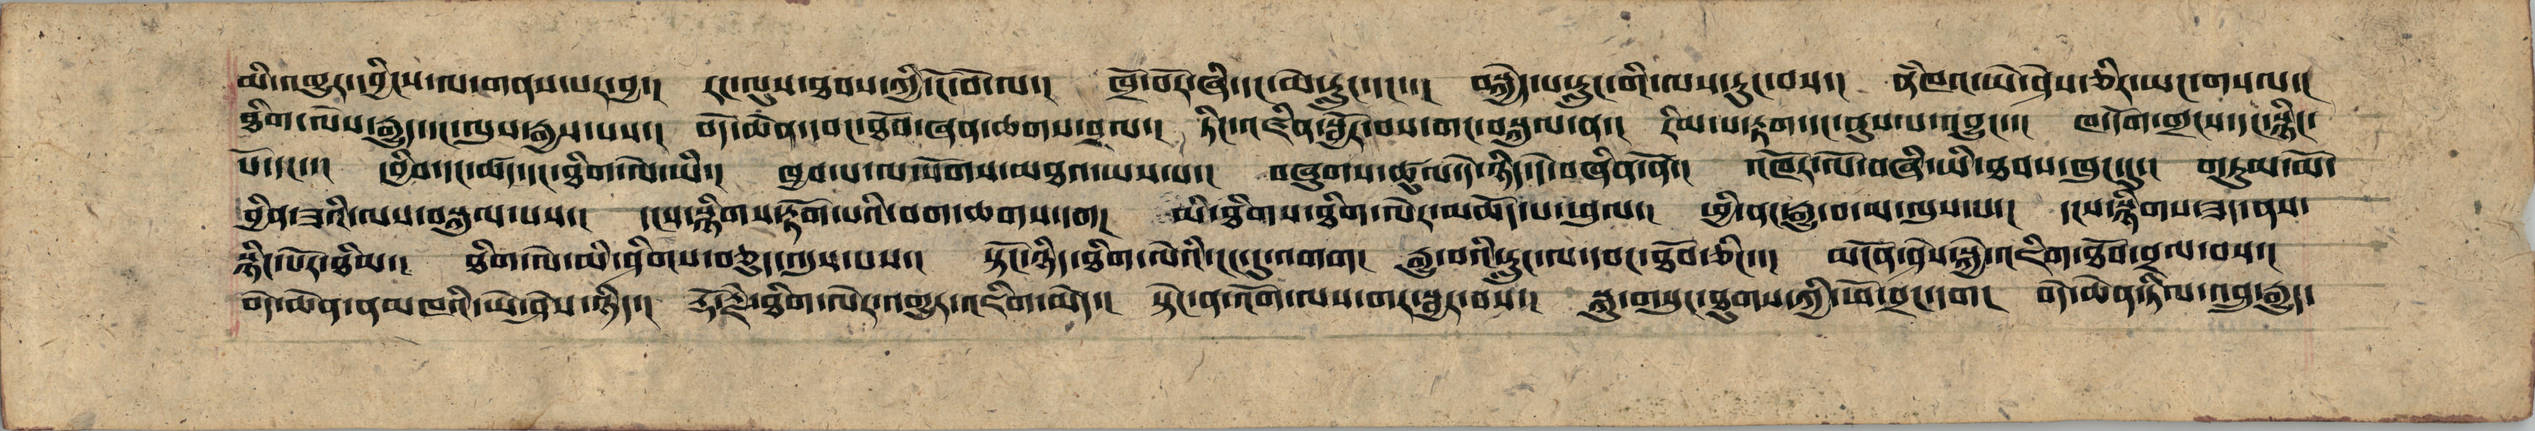མི་འགྱུར་དབྱིངས་ལ་གནས་པར་བྱ་། རང་ལུས་ཐབས་ཀྱི་ངོ་བོ་ལ་། ཁྲོ་བོར་ཞི་དང་མེ་རླུང་དང་། བསྐྱེད་པ་རླུང་གི་ལས་རུང་བས་། ནཾཁའ་ཡེ་ཤེས་ཅིར་ཡང་གསལ་།
ཐིག་ལེས་རྒྱུད་དང་ལུས་རྒྱས་པས་། བདེ་ཆེན་དབང་ཐོབ་ཞན་ཆགས་བྲལ་། ཏིང་འཛིན་སྦྱོར་བས་གང་བསྐུལ་ན་། རིམ་པ་རྟག་དང་ནུས་པ་འབྱུང་་། ཁ་དོག་གྲངས་དང་སྙིང་
པོ་དང་་། དབྱིབས་དང་ཚད་དང་ཐིག་ལེ་ཡི་། ཁྱབ་པ་ལ་སོགས་མཐའ་ཡས་པ་། བཞུགས་ཚུལ་དེ་ཉིད་དེ་བཞིན་ནོ་། འཁོར་ལོ་བཞི་ཡི་ཐབས་ཁུང་དུ་། གཏུམ་མོ་
བྱིན་ཟའི་ལས་བསྐུལ་པས་། དངས་སྙིགས་རྟོག་པའི་བག་ཆགས་དག། མི་ཐིགས་ཐིག་ལེར་མཆོད་པ་ཕུལ་། ཕྱི་ནང་རྒྱུ་བ་མ་ལུས་པ་། དངས་སྙིགས་ཟད་ནས་
སྙིང་པོར་ཐིམ་། ཐིག་ལེ་མི་ཤིགས་བཅུད་འདུས་པས་། སྟོང་ཉིད་ཐིག་ལེའི་ངང་དུ་འགག། རྒྱུ་བའི་རླུང་ལ་དབང་ཐོབ་ཅིང་་། མངོན་ཤེས་སྐྱེ་འཇིག་ཐོབ་བྲལ་བས་།
བདེ་ཆེན་ནམཁའི་ཡེ་ཤེས་ཉིད་། རྡོ་རྗེ་ཐིག་ལེར་འགྱུར་འཇིག་མེད་། སྟེང་ན་འོག་ལས་གར་སྦྱར་བསོ་། སྐུ་གསུང་ཐུགས་ཀྱི་ཕོ་བྲང་དག། བདེ་ཆེན་ཏིལ་འབྲུ་རྒྱུད་